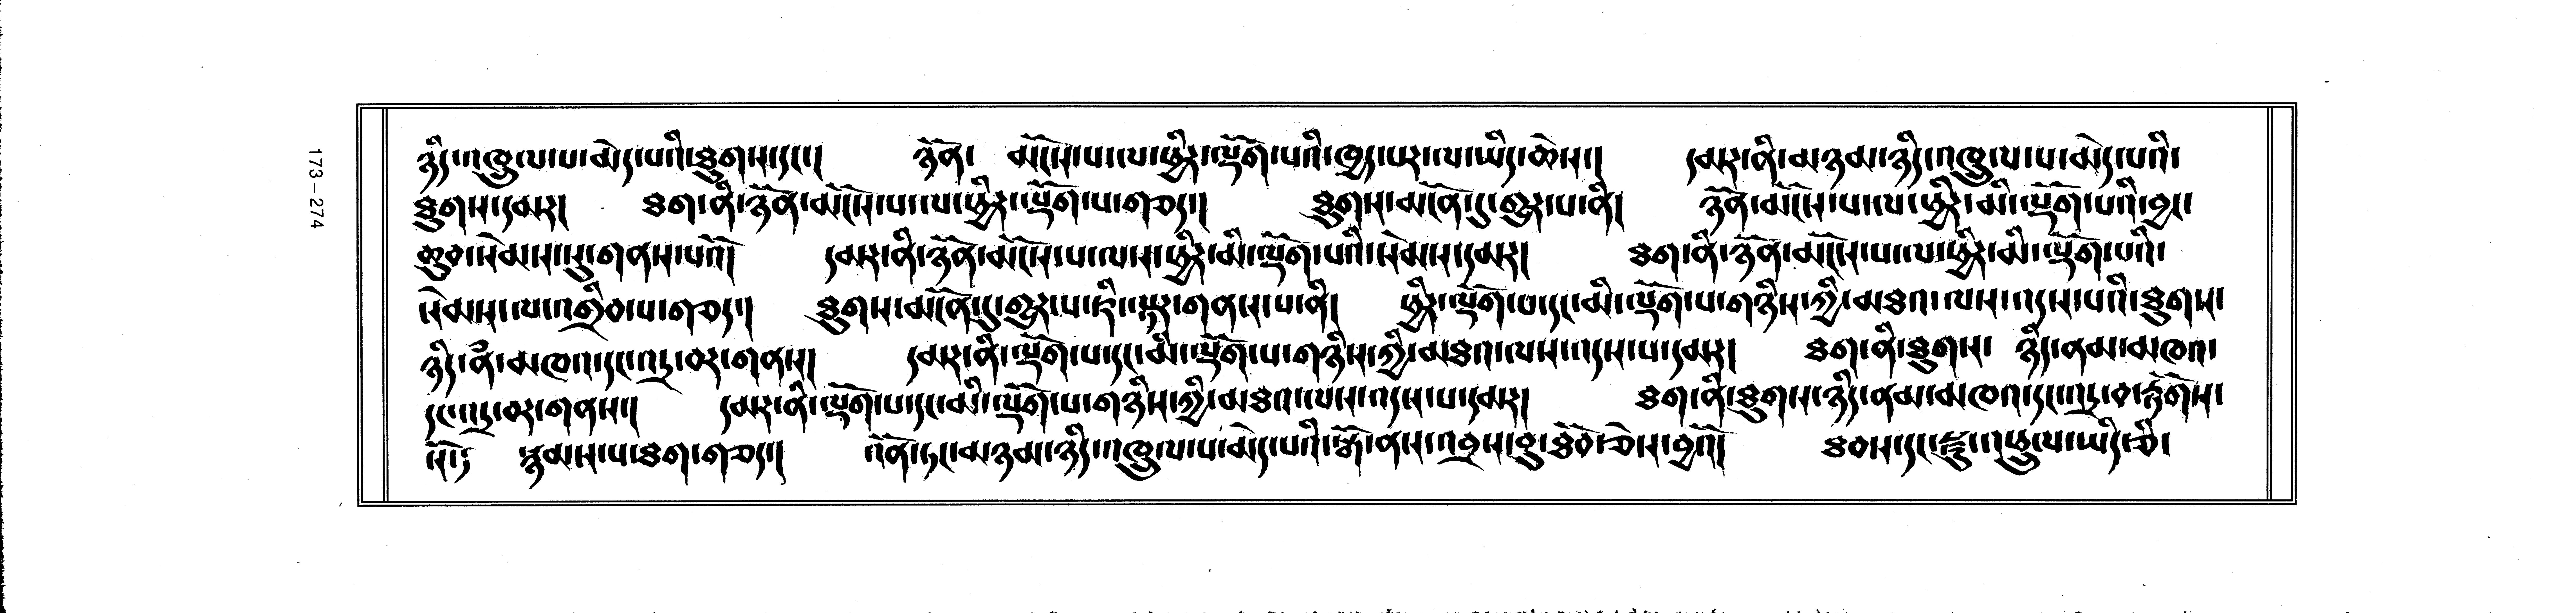ཉིད་འཁྲུལ་པ་མེད་པའི་ཐུགས་དང་། ཉོན་མོངས་པ་ཕྱིར་ལྡོག་པའི་ཁྱད་པར་ལ་ཡིད་ཆེས། དམར་ནི་མཉམ་ཉིད་འཁྲུལ་པ་མེད་པའི་
ཐུགས་དམར། ཐག་ནི་ཉོན་མོངས་པ་ལ་ཕྱིར་ལྡོག་པ་གཅད། ཐུགས་མངོན་དུ་གྱུར་པ་ནི་ཉོན་མོངས་པ་ལས་ཕྱིར་མི་ལྡོག་པའི་བྱང་
ཆུབ་སེམས་སུ་གནས་པའོ། །དམར་ནི་ཉོན་མོངས་པ་ལས་ཕྱིར་མི་ལྡོག་པའི་སེམས་དམར། ཐག་ནི་ཉོན་མོངས་པ་ལས་ཕྱིར་མི་ལྡོག་པའི་
སེམས་ལས་འགྲིབ་པ་གཅད། ཐུགས་མངོན་དུ་གྱུར་པ་ཇི་ལྟར་གནས་པ་ནི། ཕྱིར་ལྡོག་པ་དང་མི་ལྡོག་པ་གཉིས་ཀྱི་མཐའ་ལས་འདས་པའི་ཐུགས་
ཉིད་ནམ་མཁའ་དང་འདྲ་བར་གནས། དམར་ནི་ལྡོག་པ་དང་མི་ལྡོག་པ་གཉིས་ཀྱི་མཐའ་ལས་འདས་པ་དམར། ཐག་ནི་ཐུགས་ཉིད་ནམ་མཁའ་
དང་འདྲ་བ་རྟོགས་སོ་སྙམ་པ་ཐག་གཅད། འོན་ཏང་མཉམ་ཉིད་འཁྲུལ་པ་མེད་པའི་སྒོ་ནས་འབྲས་བུ་ཐོབ་ཅེས་བྱའོ། །ཐབས་དང་རྫུ་འཕྲུལ་ཡིད་ཅི་